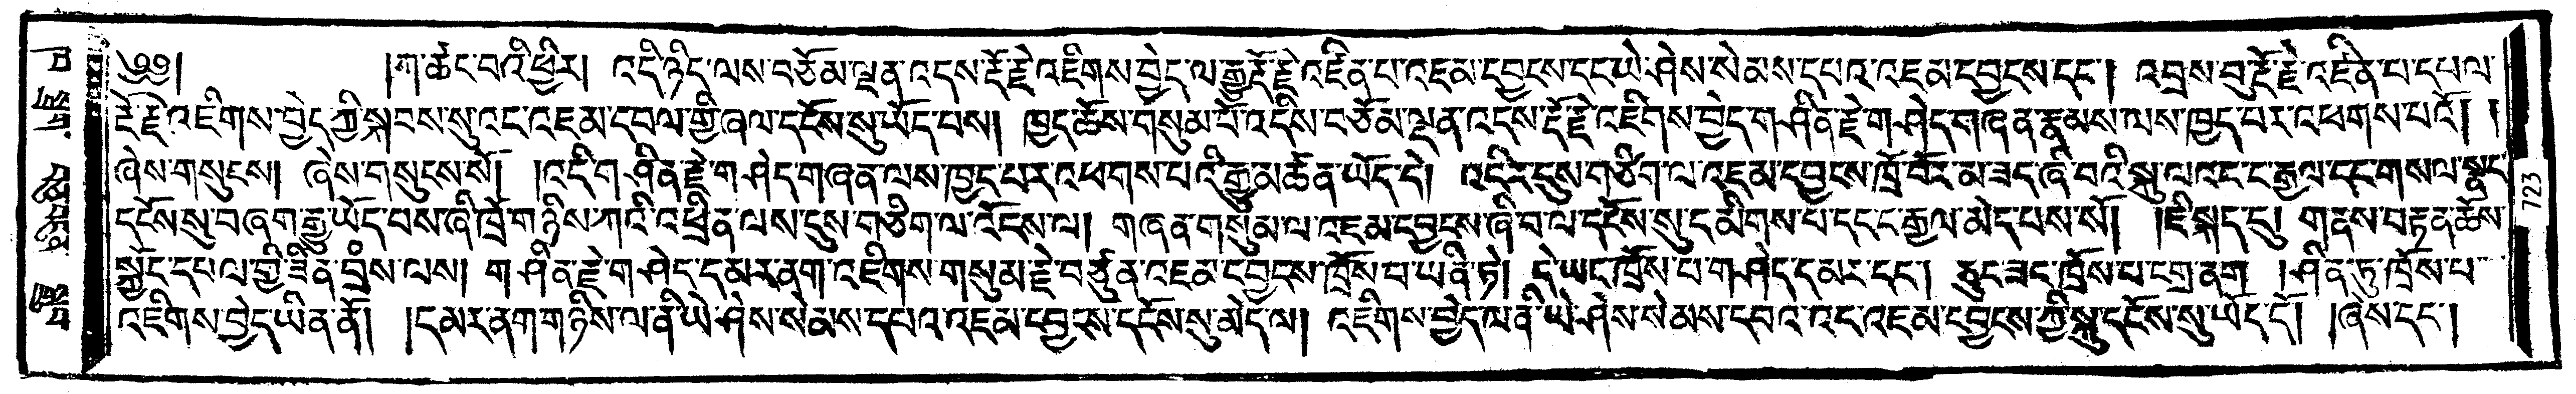༄༅། །ག་ཚང་བའི་ཕྱིར། འདི་ཉིད་ལས་བཅོམ་ལྡན་འདས་རྡོ་རྗེ་འཇིགས་བྱེད་ལ་རྒྱུ་རྡོ་རྗེ་འཛིན་པ་འཇམ་དབྱངས་དང་ཡེ་ཤེས་སེམས་དཔའ་འཇམ་དབྱངས་དང་། འབྲས་བུ་རྡོ་རྗེ་འཛིན་པ་དཔལ་
རྡོ་རྗེ་འཇིགས་བྱེད་ཀྱི་སྐབས་སུའང་འཇམ་དཔལ་གྱི་ཞལ་དངོས་སུ་ཡོད་པས། ཁྱད་ཆོས་གསུམ་པོ་འདིས་བཅོམ་ལྡན་འདས་རྡོ་རྗེ་འཇིགས་བྱེད་གཤིན་རྗེ་གཤེད་གཞན་རྣམས་ལས་ཁྱད་པར་འཕགས་པའོ། །
ཞེས་གསུངས། ཞེས་གསུངས་སོ། །འདི་གཤིན་རྗེ་གཤེད་གཞན་ལས་ཁྱད་པར་འཕགས་པའི་རྒྱུ་མཚན་ཡོད་དེ། འདིར་དུས་གཙིག་ལ་འཇམ་དབྱངས་ཁྲོ་བོར་མ་ཟད་ཞི་བའི་སྐུ་ལའང་ང་རྒྱལ་དང་གསལ་སྣང་
དངོས་སུ་བཞག་རྒྱུ་ཡོད་པས་ཞི་ཁྲོ་གཉིས་ཀའི་འཕྲིན་ལས་དུས་གཅིག་ལ་འོངས་ལ། གཞན་གསུམ་ལ་འཇམ་དབྱངས་ཞི་བ་ལ་དངོས་སུ་དམིགས་པ་དང་ང་རྒྱལ་མེད་པས་སོ། །ཇི་སྐད་དུ། གནས་བརྟན་ཆོས་
སྐྱོང་དཔལ་གྱི་ཟིན་བྲམས་ལས། གཤིན་རྗེ་གཤེད་དམར་ནག་འཇིགས་གསུམ་རྗེ་བཙུན་འཇམ་དབྱངས་ཁྲོས་པ་ཡིན་ཏེ། དེ་ཡང་ཁྲོས་པ་གཤེད་དམར་དང་། ཅུང་ཟད་ཁྲོས་པ་དགྲ་ནག །ཤིན་ཏུ་ཁྲོས་པ་
འཇིགས་བྱེད་ཡིན་ནོ། །དམར་ནག་གཉིས་ལ་ནི་ཡེ་ཤེས་སེམས་དཔའ་འཇམ་དབྱངས་དངོས་སུ་མེད་ལ། འཇིགས་བྱེད་ལ་ནི་ཡེ་ཤེས་སེམས་དཔའ་འང་འཇམ་དབྱངས་ཀྱི་སྐུ་དངོས་སུ་ཡོད་དོ། །ཞེས་དང་།